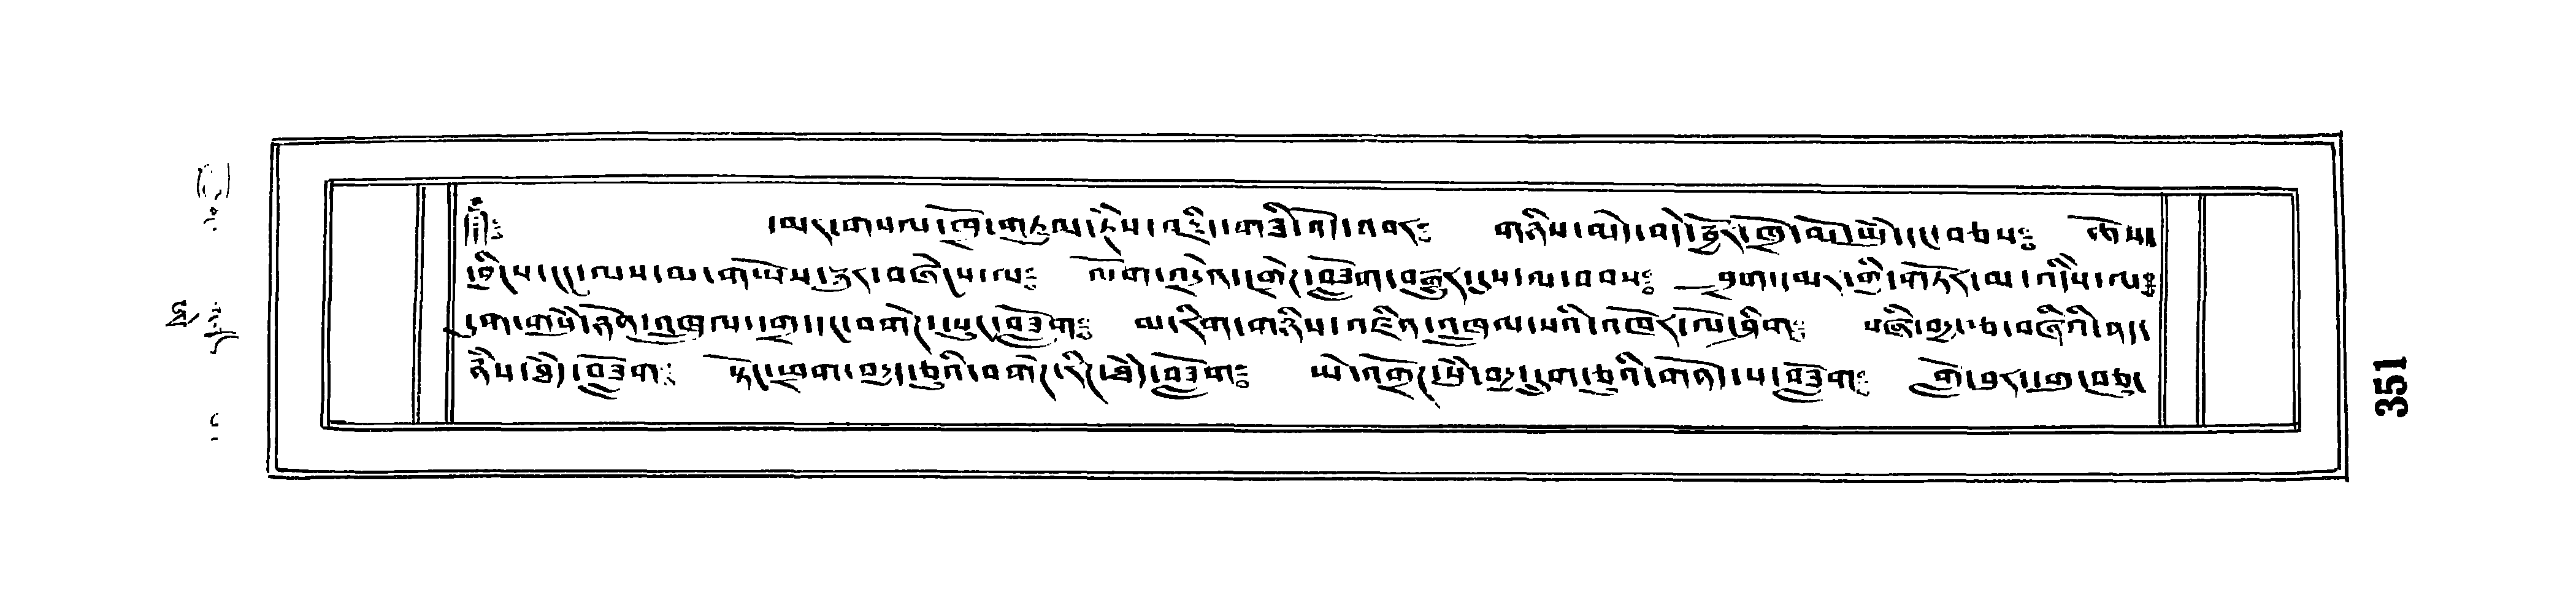དམར་གསལ་ཁྲོ་གཏུམ་རྔམས་བརྗིད་གཟི་འོད་འབར༔ གཉིས་མེད་བདེ་སྦྱོར་ཁྲོ་མོ་ཡུམ་དང་བཅས༔ ཆོས་
དབྱིངས་ངང་ལས་མ་གཡོས་སྐུར་བཞེངས་ལ༔ ལོག་འདྲེན་དགྲ་བགེགས་བཟློག་བསྒྱུར་དུས་ལ་བབས༔ ཤ་ཁྲག་དམར་གྱི་གཏོར་མ་འདི་བཞེས་ལ༔ 
དུག་གསུམ་ཉོན་འཁྲུལ་དགྲ་དང་བགེགས་དཔུང་བཟློག༔ མ་རིག་གཉིས་འཛིན་འཁྲུལ་པའི་འཁོར་ལོ་ཤིག༔ བཞི་བརྒྱ་རྩ་བཞིའི་ནད་
རྣམས་ཐམས་ཅད་བཟློག༔ སྟོང་ཕྲག་བརྒྱད་ཅུའི་བགེགས་རིགས་ཐམས་ཅད་བཟློག༔ ཡེ་འགྲོགས་སུམ་བརྒྱ་དྲུག་ཅུའི་གནོད་པ་བཟློག༔ གློ་བུར་དགུ་བཅུ་